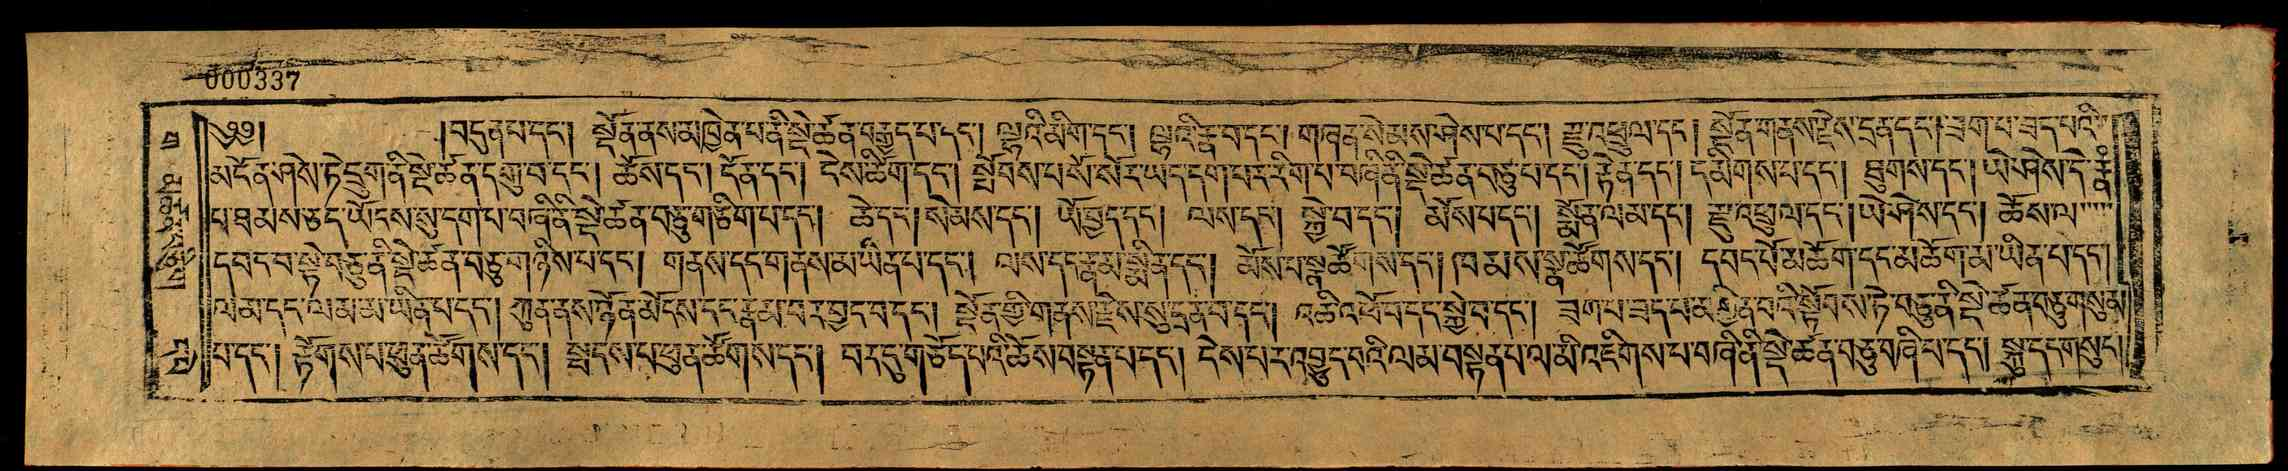༄༅། །བདུན་པ་དང་། སྔོན་ནས་མཁྱེན་པ་ནི་སྡེ་ཚན་བརྒྱད་པ་དང་། ལྷའི་མིག་དང་། ལྷའི་རྣ་བ་དང་། གཞན་སེམས་ཤེས་པ་དང་། རྫུ་འཕྲུལ་དང་། སྔོན་གནས་རྗེས་དྲན་དང་། ཟག་པ་ཟད་པའི་
མངོན་ཤེས་ཏེ་དྲུག་ནི་སྡེ་ཚན་དགུ་པ་དང་། ཆོས་དང་། དོན་དང་། ངེས་ཚིག་དང་། སྤོབས་པ་སོ་སོར་ཡང་དག་པར་རིག་པ་བཞི་ནི་སྡེ་ཚན་བཅུ་པ་དང་། རྟེན་དང་། དམིགས་པ་དང་། ཐུགས་དང་། ཡེ་ཤེས་དེ་རྣམ་
པ་ཐམས་ཅད་ཡོངས་སུ་དག་པ་བཞི་ནི་སྡེ་ཚན་བཅུ་གཅིག་པ་དང་། ཆེ་དང་། སེམས་དང་། ཡོ་བྱད་དང་། ལས་དང་། སྐྱེ་བ་དང་། མོས་པ་དང་། སྨོན་ལམ་དང་། རྫུ་འཕྲུལ་དང་། ཡེ་ཤེས་དང་། ཆོས་ལ་
དབང་བ་སྟེ་བཅུ་ནི་སྡེ་ཚན་བཅུ་གཉིས་པ་དང་། གནས་དང་གནས་མ་ཡིན་པ་དང་། ལས་དང་རྣམ་སྨིན་དང་། མོས་པ་སྣ་ཚོགས་དང་། ཁམས་སྣ་ཚོགས་དང་། དཔའ་བོ་མཆོག་དང་མཆོག་མ་ཡིན་པ་དང་།
ལམ་དང་ལམ་མ་ཡིན་པ་དང་། ཀུན་ནས་ཉོན་མོངས་དང་རྣམ་པར་བྱང་བ་དང་། སྔོན་གྱི་གནས་རྗེས་སུ་དྲན་པ་དང་། འཆི་འཕོ་བ་དང་སྐྱེ་བ་དང་། ཟག་པ་ཟད་པ་མཁྱེན་པའི་སྟོབས་ཏེ་བཅུ་ནི་སྡེ་ཚན་བཅུ་གསུམ་
པ་དང་། རྟོགས་པ་ཕུན་ཚོགས་དང་། སྤངས་པ་ཕུན་ཚོགས་དང་། བར་དུ་གཅོད་པའི་ཆོས་བསྟན་པ་དང་། ངེས་པར་འབྱུང་བའི་ལམ་བསྟན་པ་ལ་མི་འཇིགས་པ་བཞི་ནི་སྡེ་ཚན་བཅུ་བཞི་པ་དང་། སྐུ་དང་གསུང་